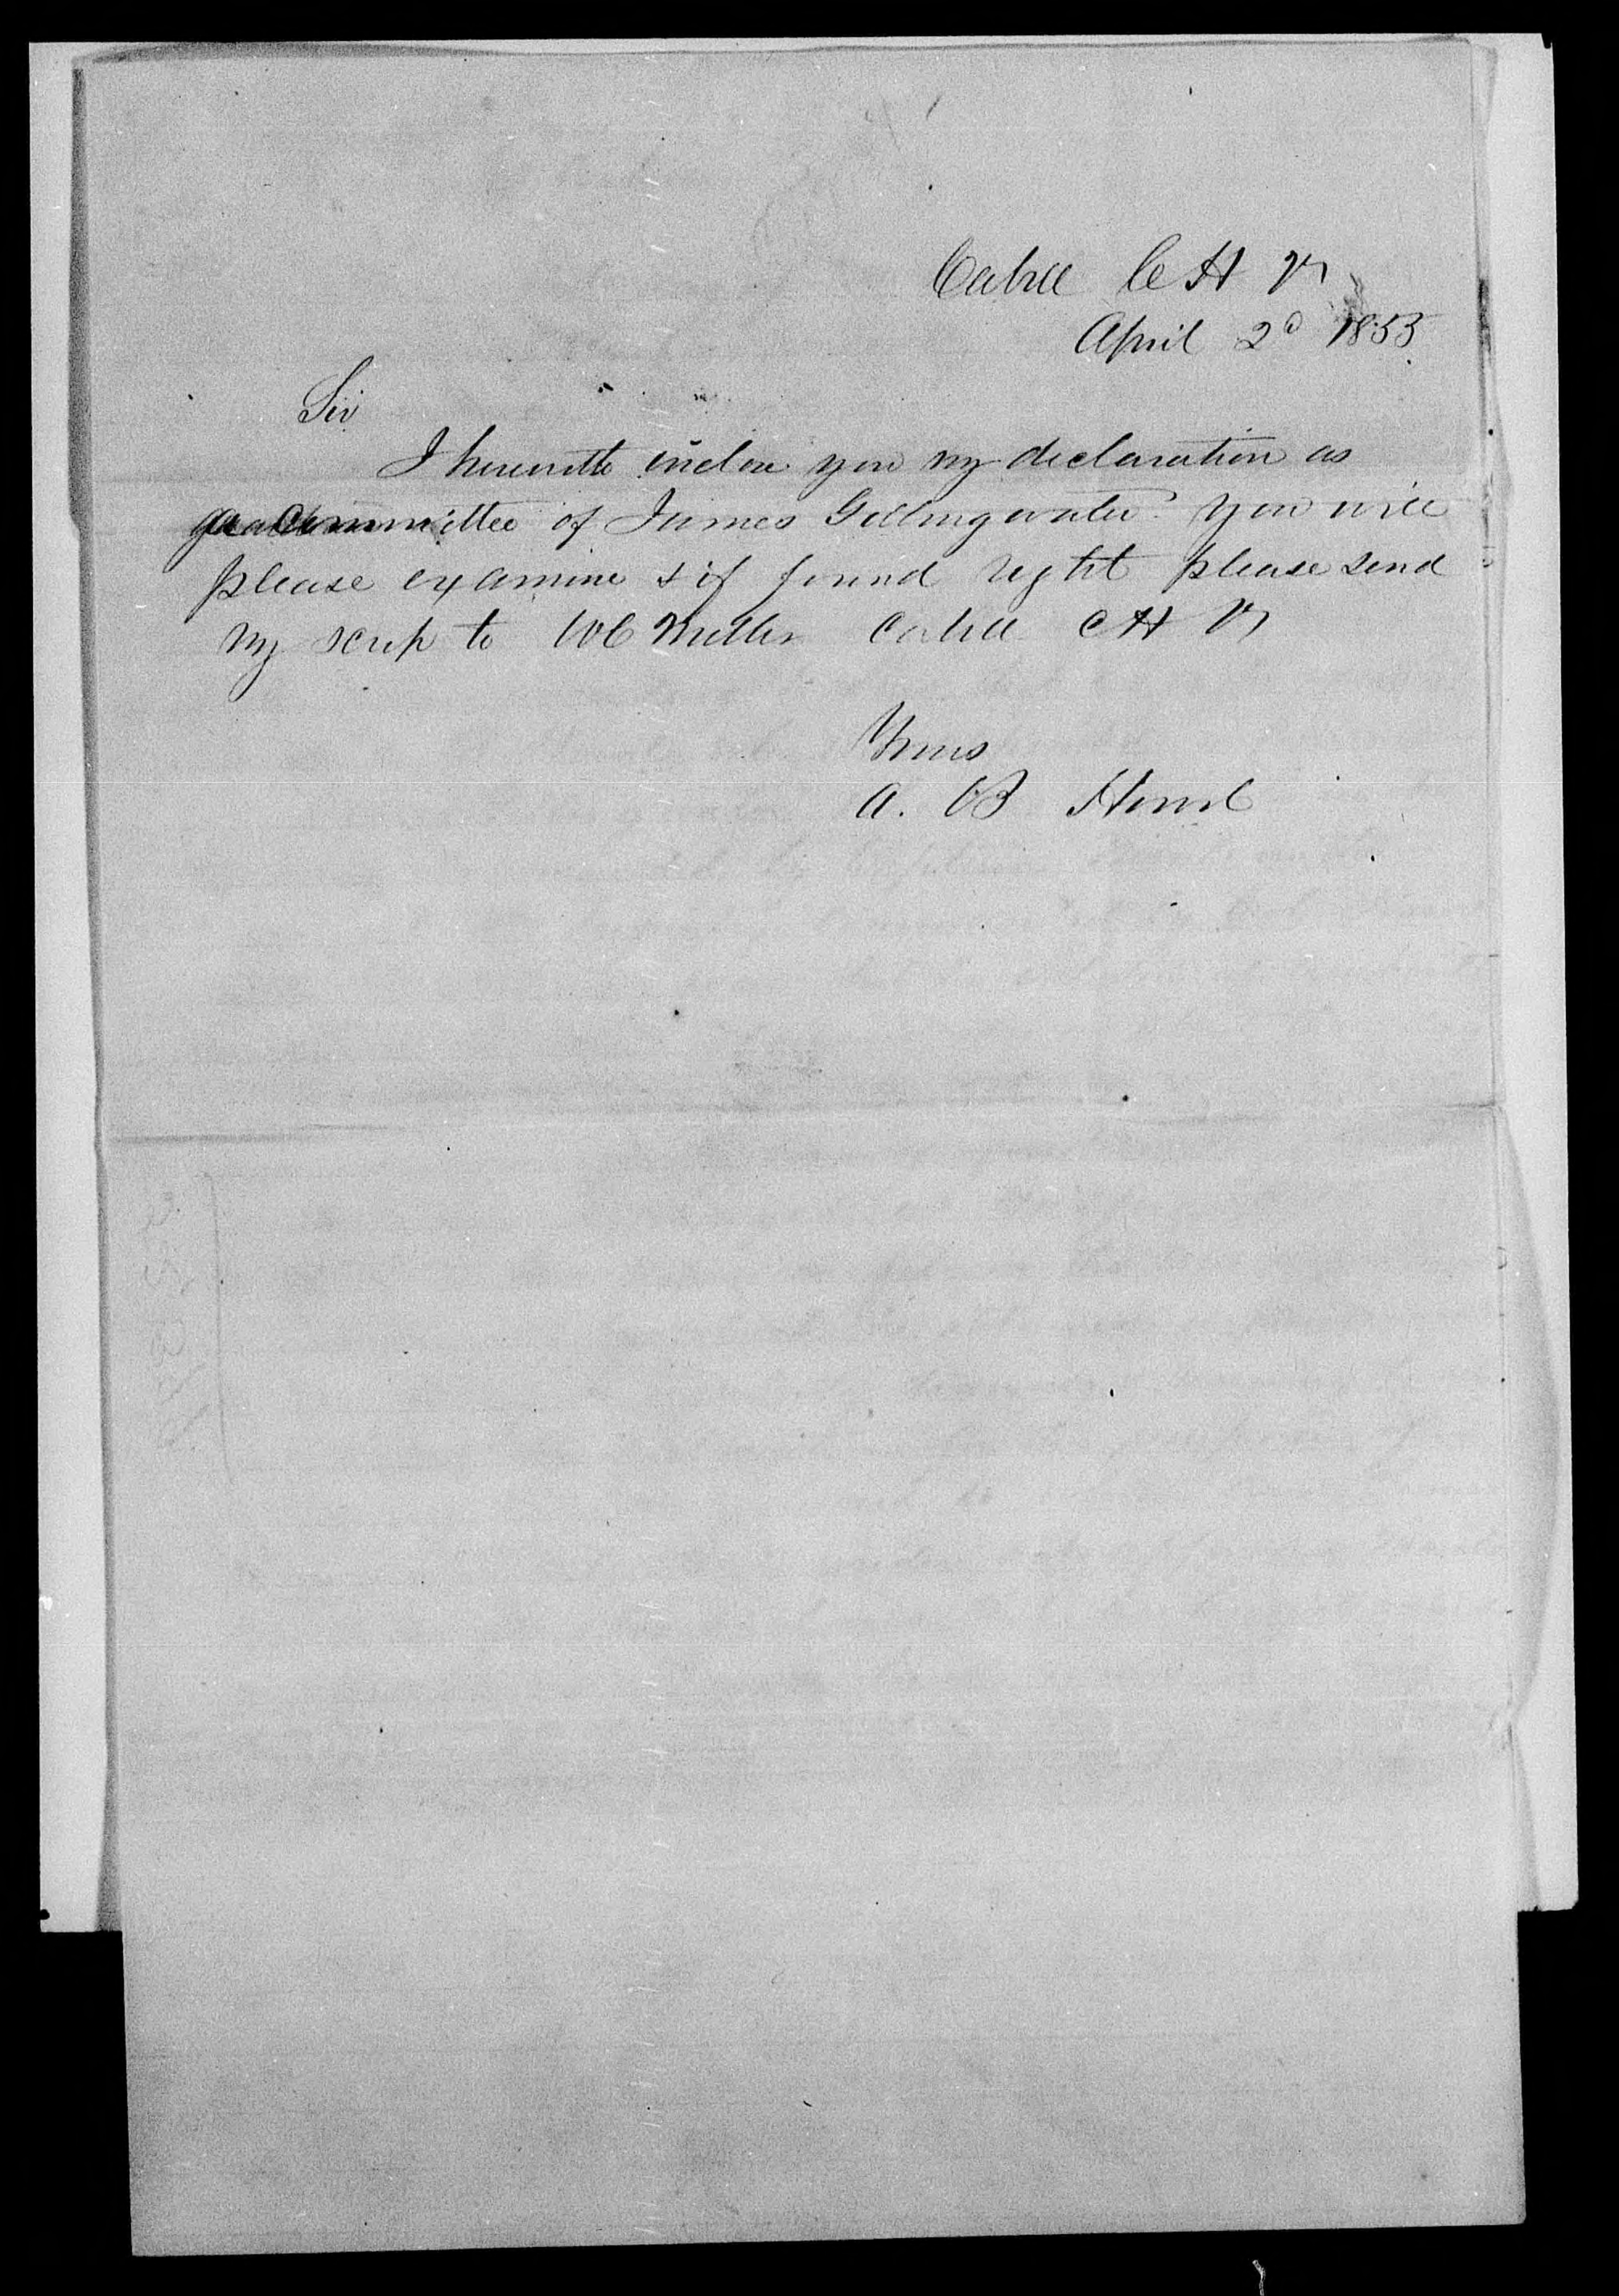Cabell CH Va
April 2nd 1853
Sir
I herewith enclose you my declaration as Committee of James Gillingwater. You will please examine and if found right please send my scrip to W C Miller Cabell CH Va

Yours
A B Hunt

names: James Gillingwater, A B Howel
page: 15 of 36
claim: survivor's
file: S. 39570, James Gillingwater, Va.